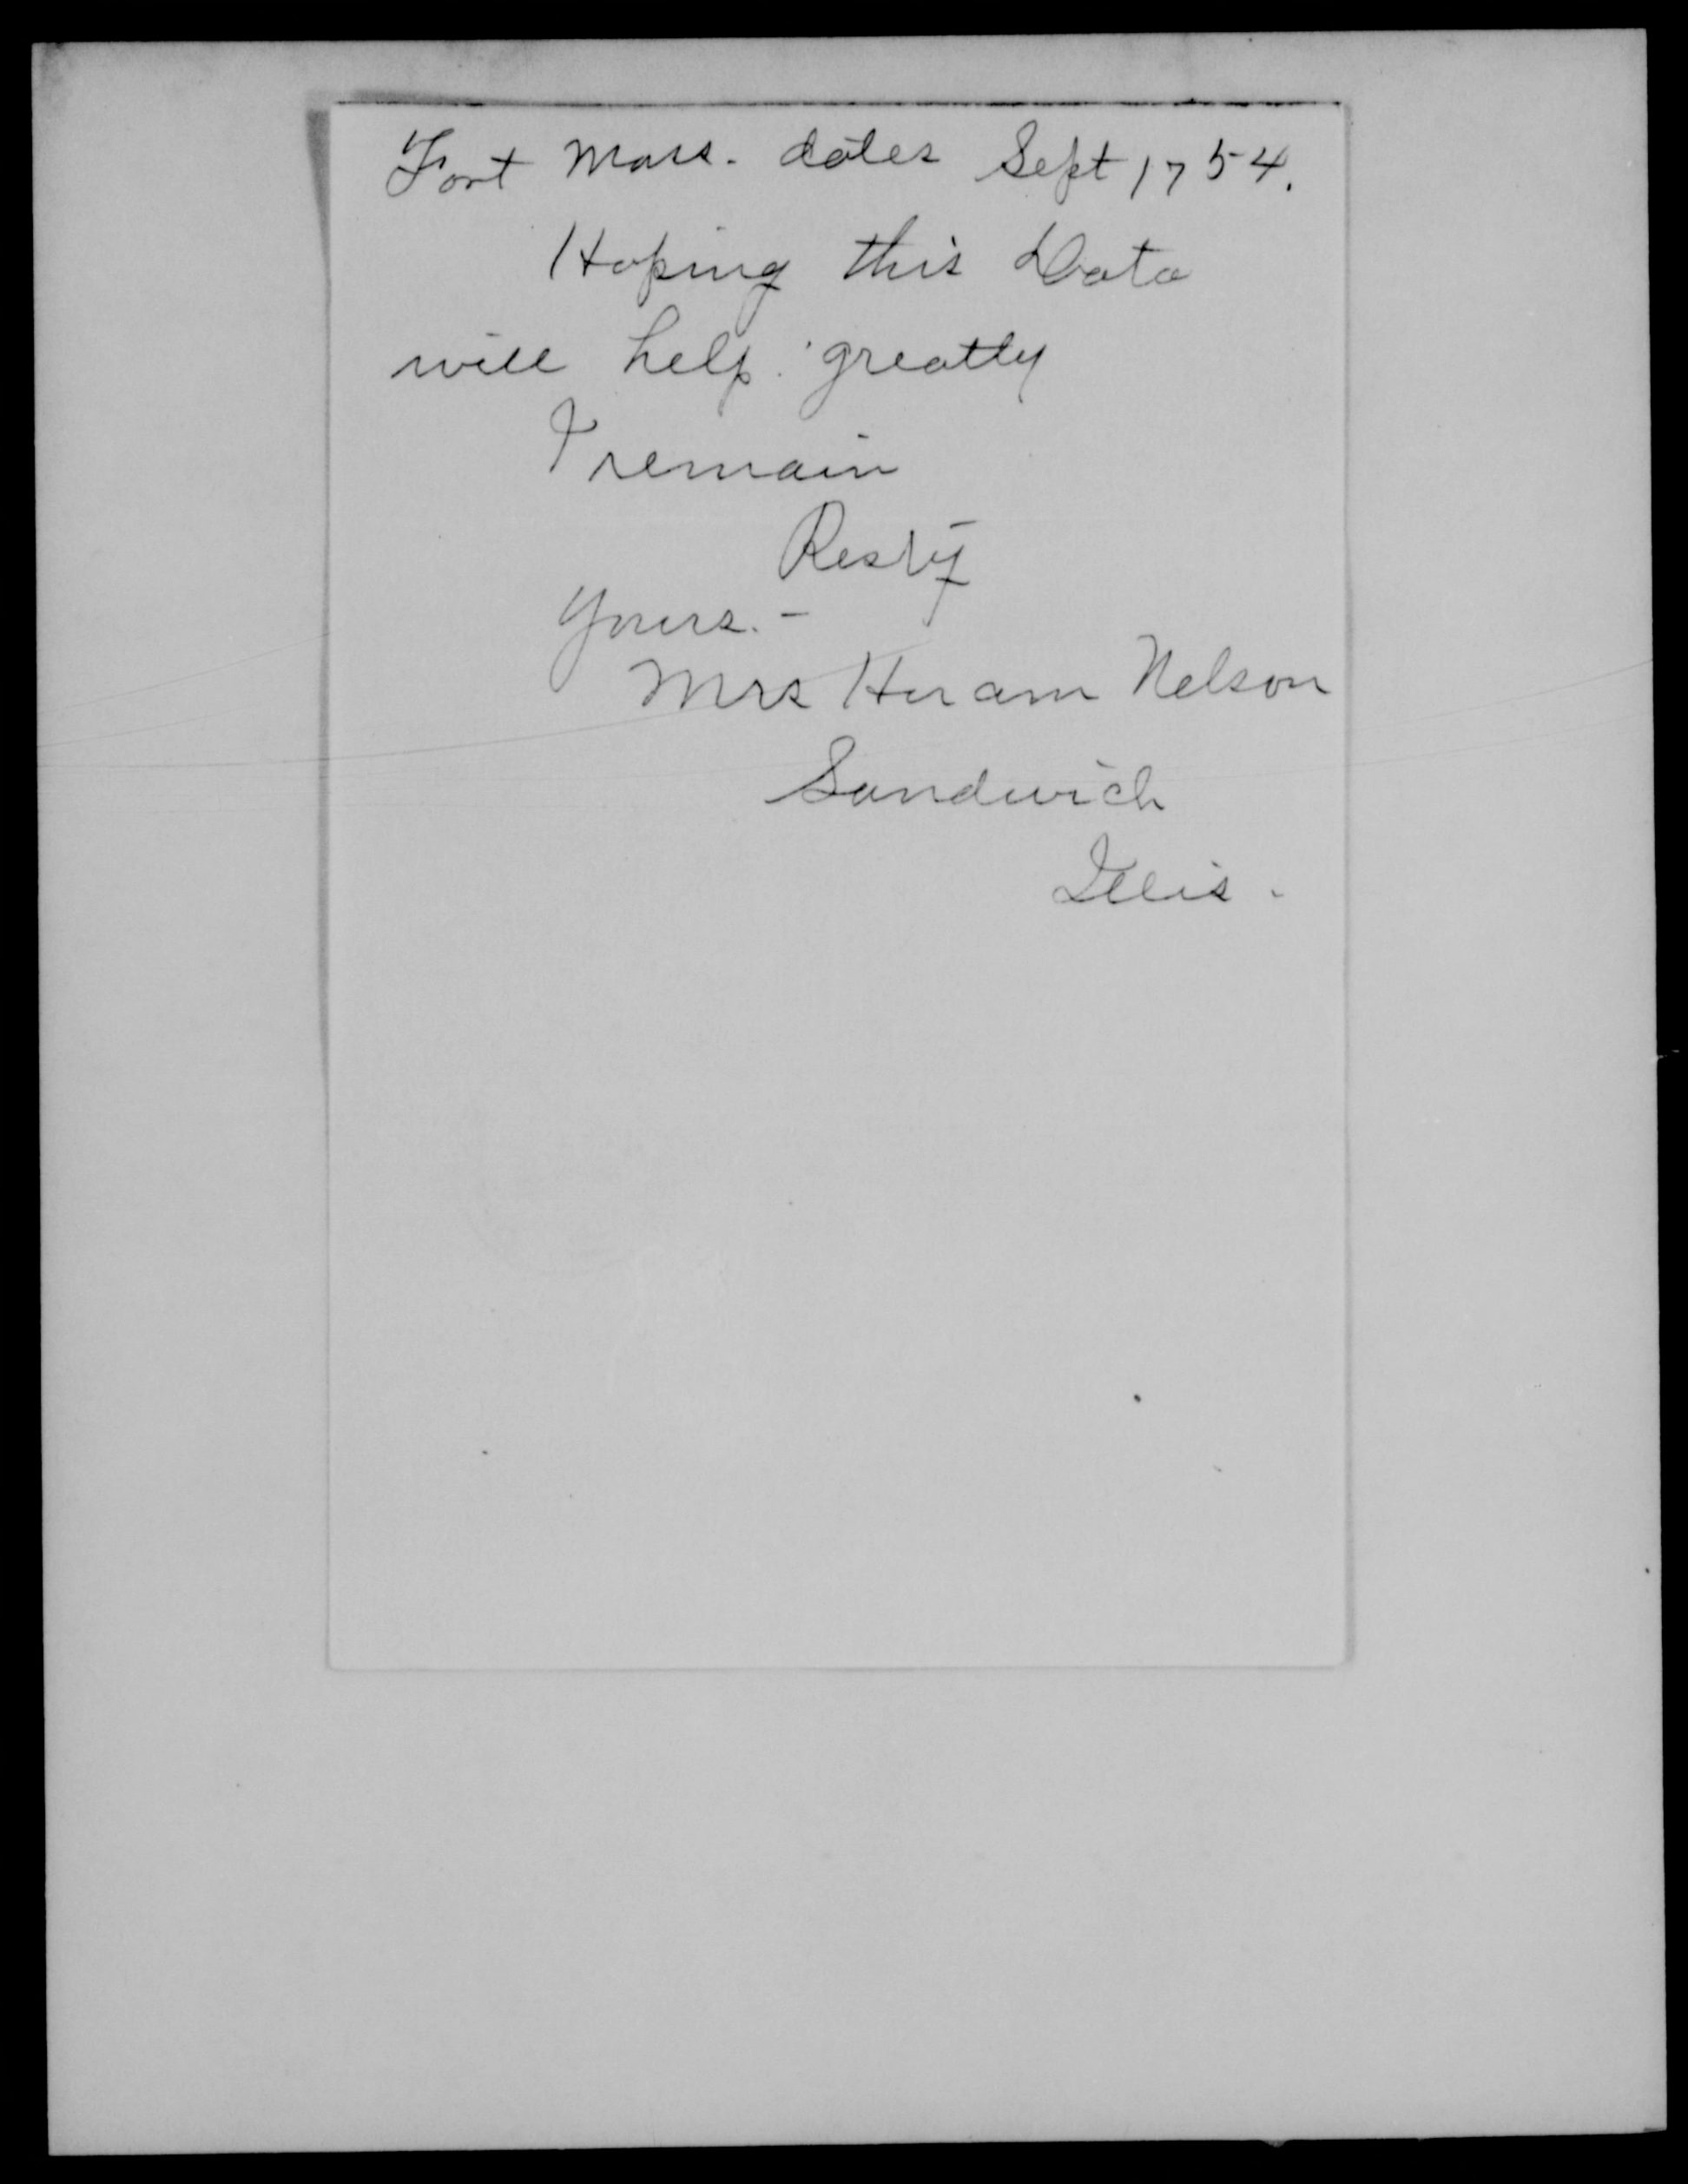Fort Mars. dates Sept. 1754
Hoping the Data will help greatly.
I remain Resty. yours,
Mrs. Hiram Nelson
Sandwich Ills.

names: Hiram Nelson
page: 22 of 64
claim: widow's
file: W. 5831, Edmund Town, Mass.